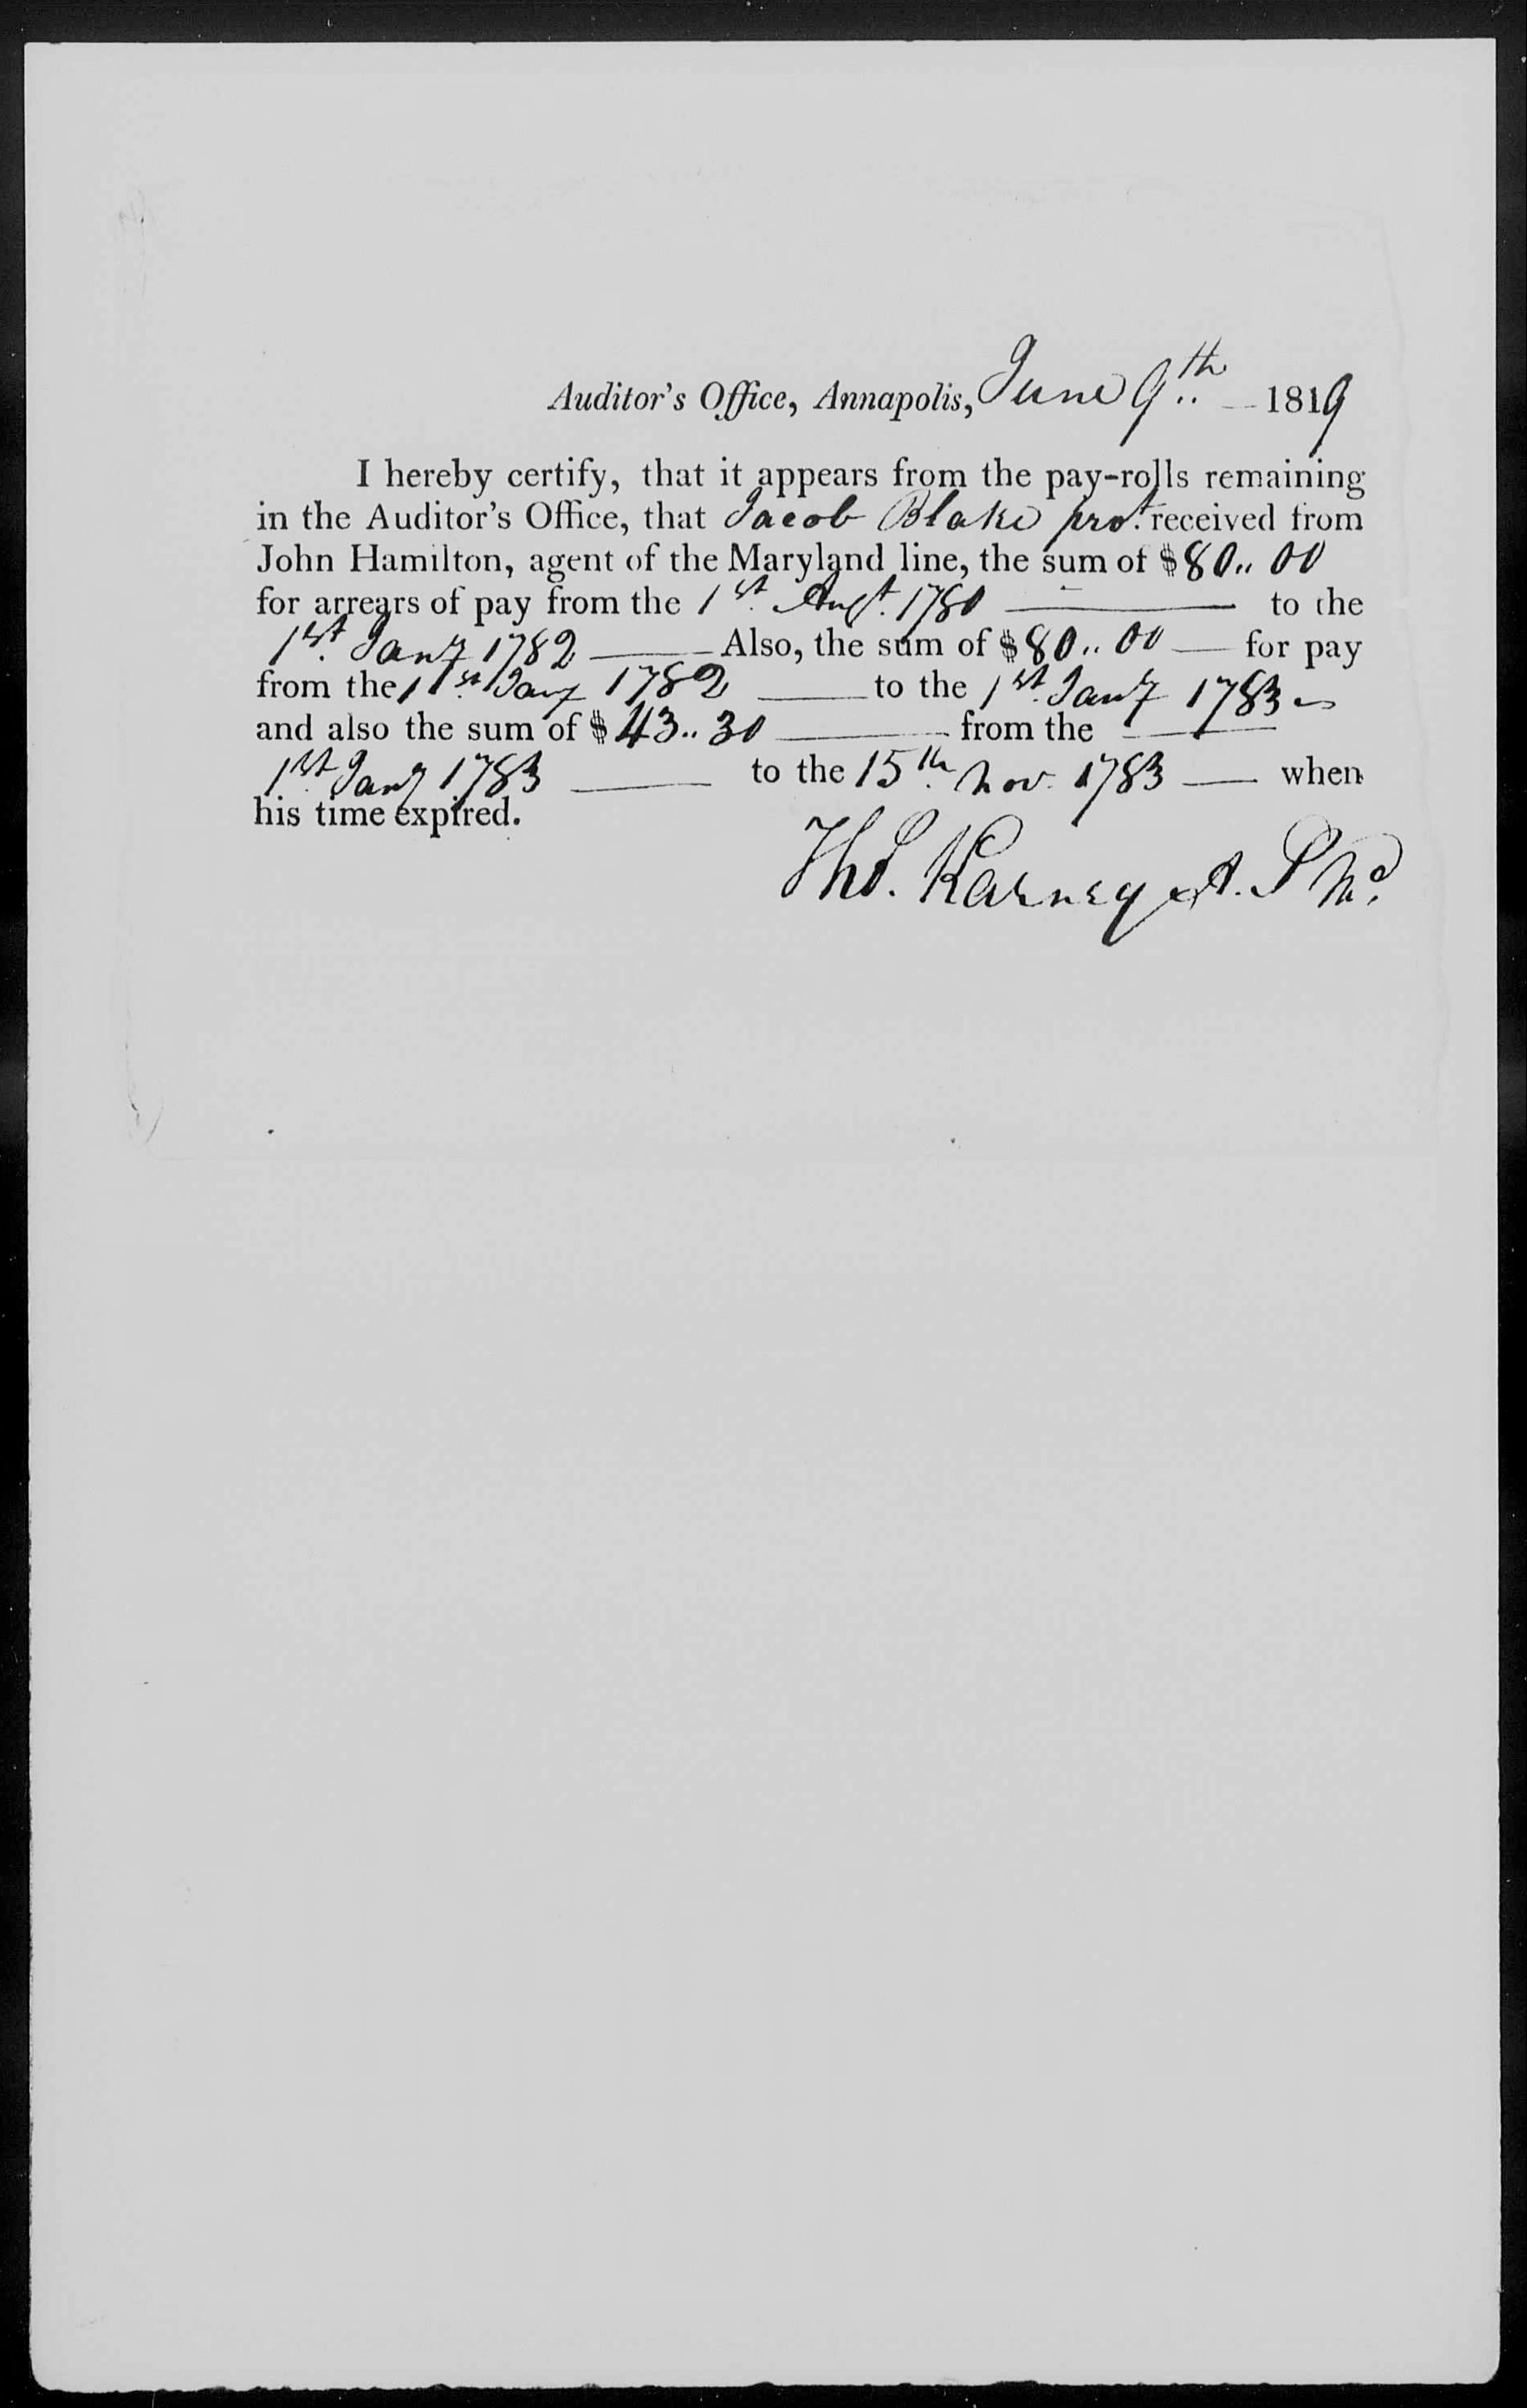Auditor’s Office, Annapolis, June 9 th 1819

I hereby certify that it appears from the payrolls remaining in the Auditor’s Office, that Jacob Blake Private received from John Hamilton, agent of the Maryland line, the sum of $80.00 for arrears of pay from the 1st. August. 1780 to the 1st. Jany 1782 Also, the sum of $80.00 for pay from the 1st. Jany 1782 to the 1st. Jany 1783 and also the sum of $43.30 from the 1st. Jany 1783 to the 15th. Nov. 1783 when his time expired.

Thos. Karney 
A. [illegible]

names: Thos Karney, Jacob Blake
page: 15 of 18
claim: survivor's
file: S. 34654, Jacob Blake, Md.